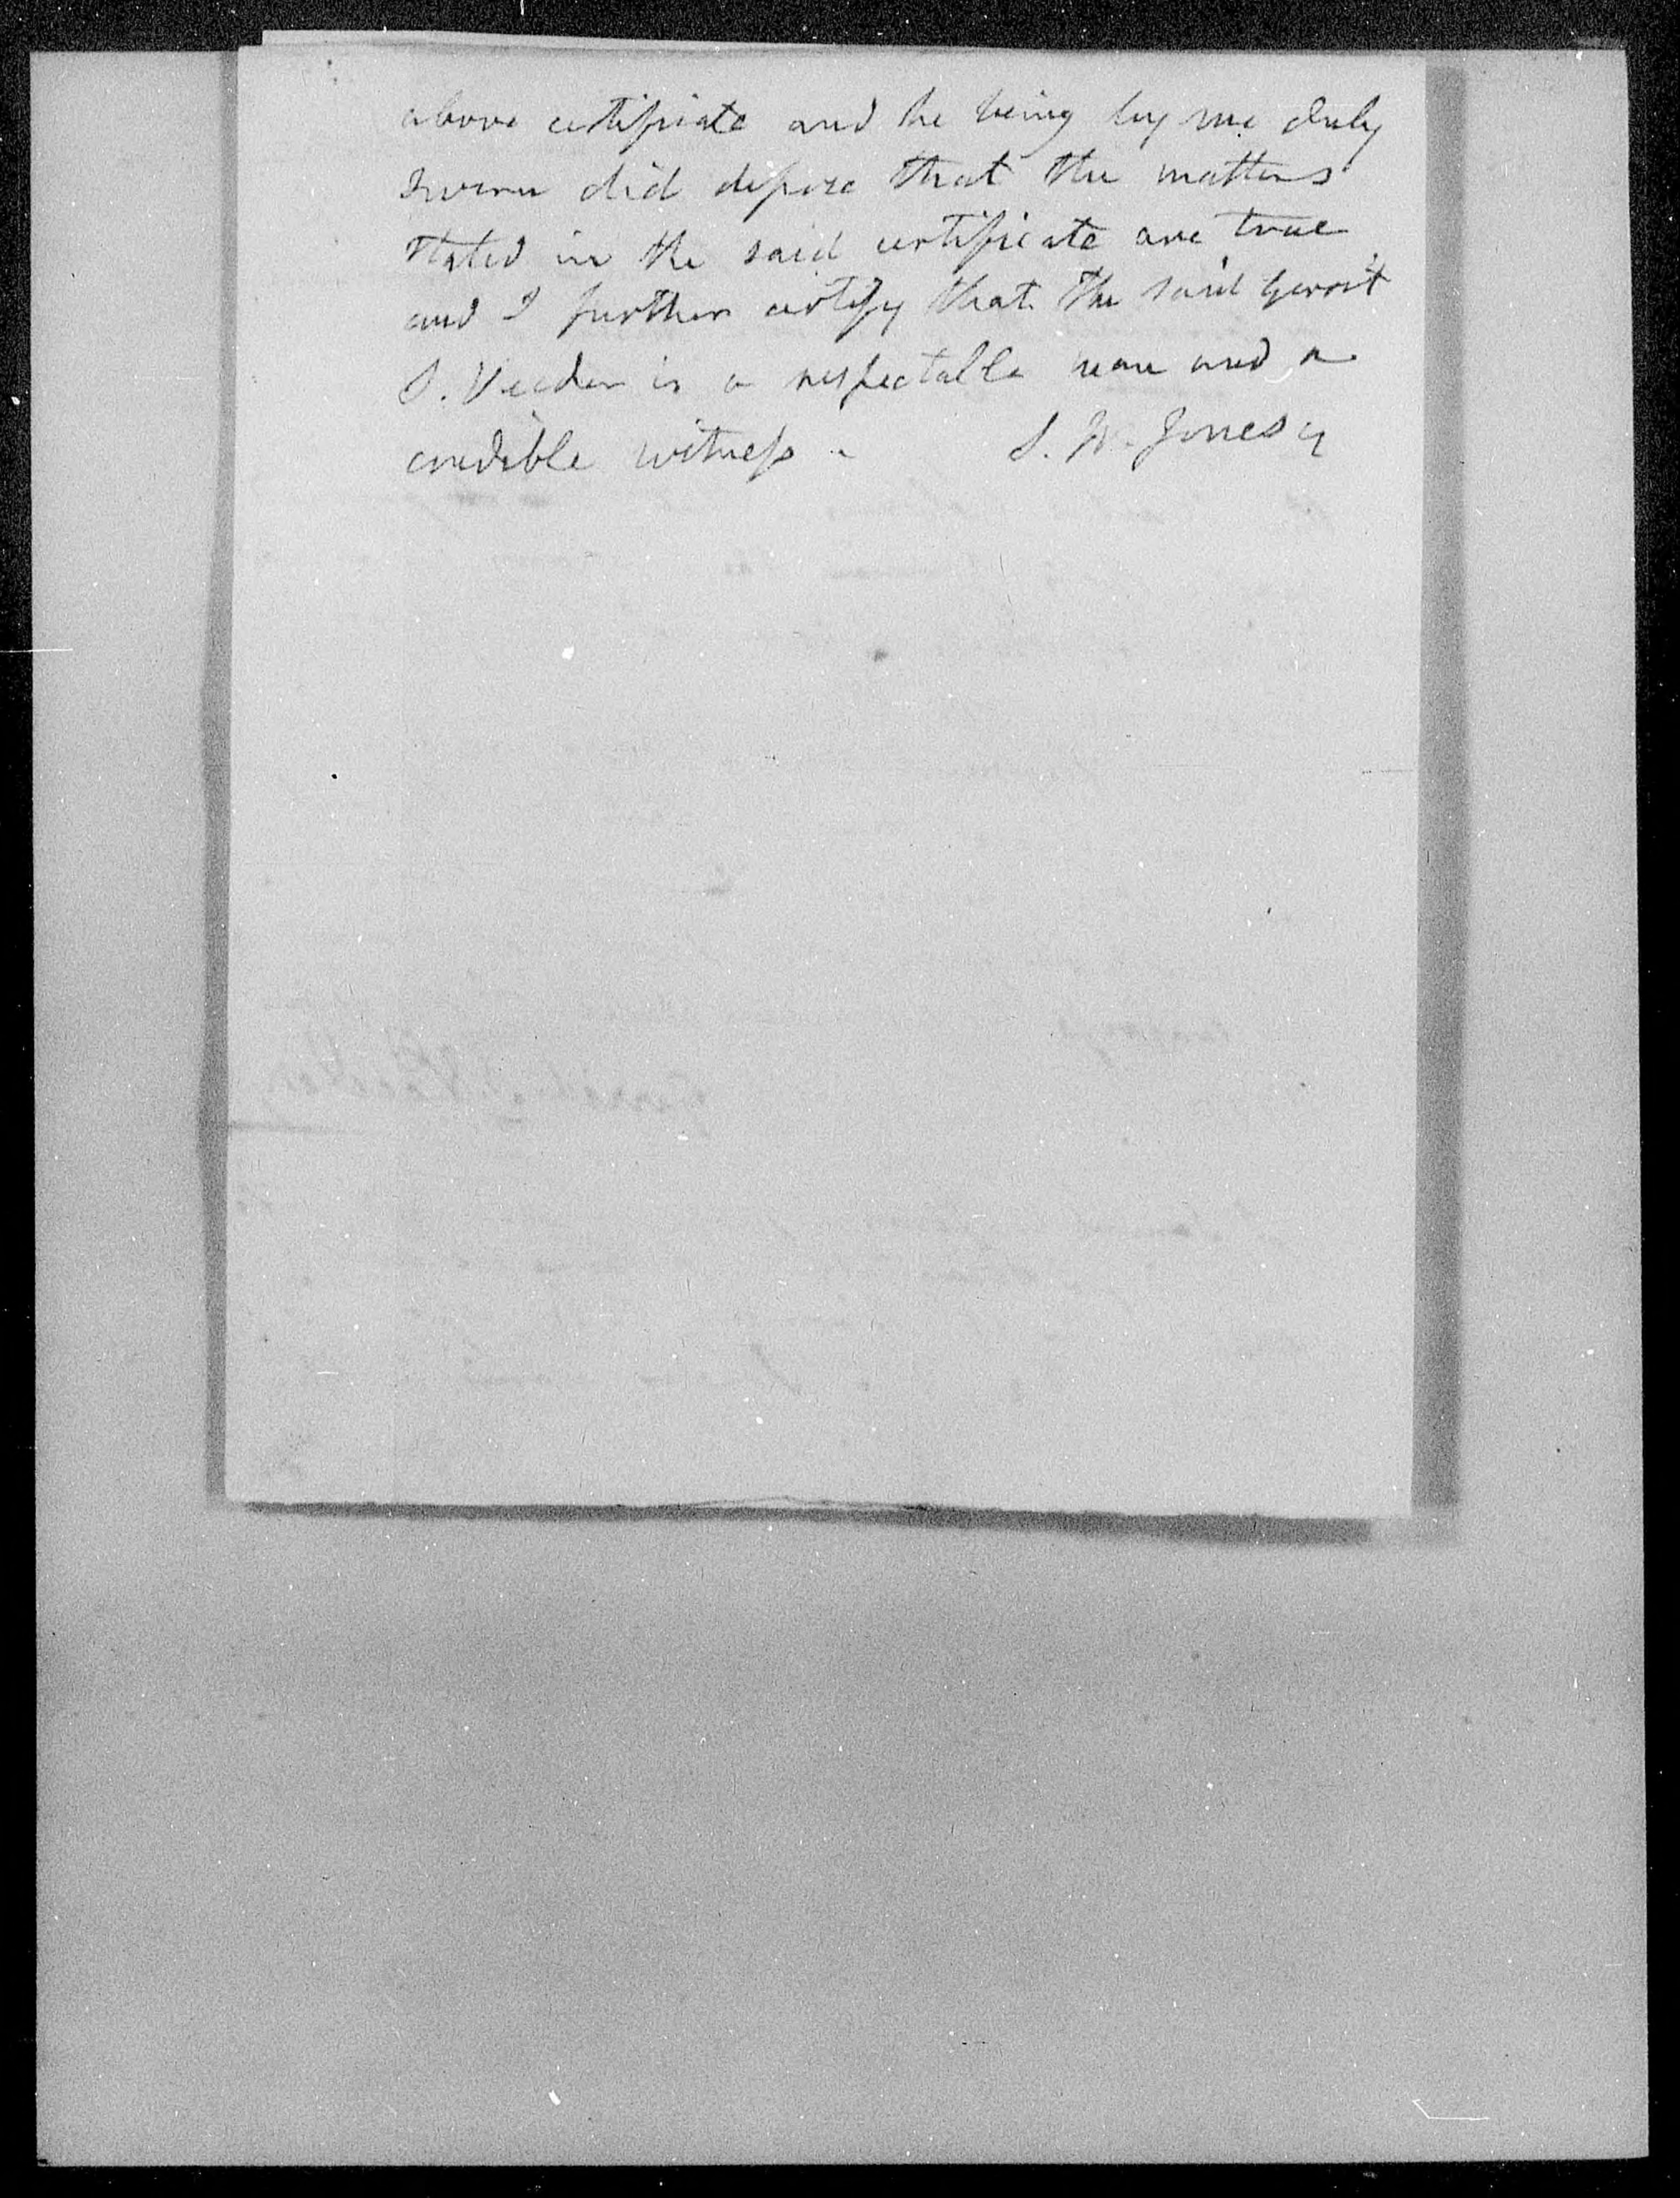above certificate and he being by me duly sworn did depose that the matters stated in the said certificate are true and I further certify that the said Gerrit D. Veeder is a respectable man and a credible witness. 
S.W. Jones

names: Gerrit S Veeder; S W Jones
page: 20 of 40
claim: widow's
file: W. 21876, for Christian Osterman, New York